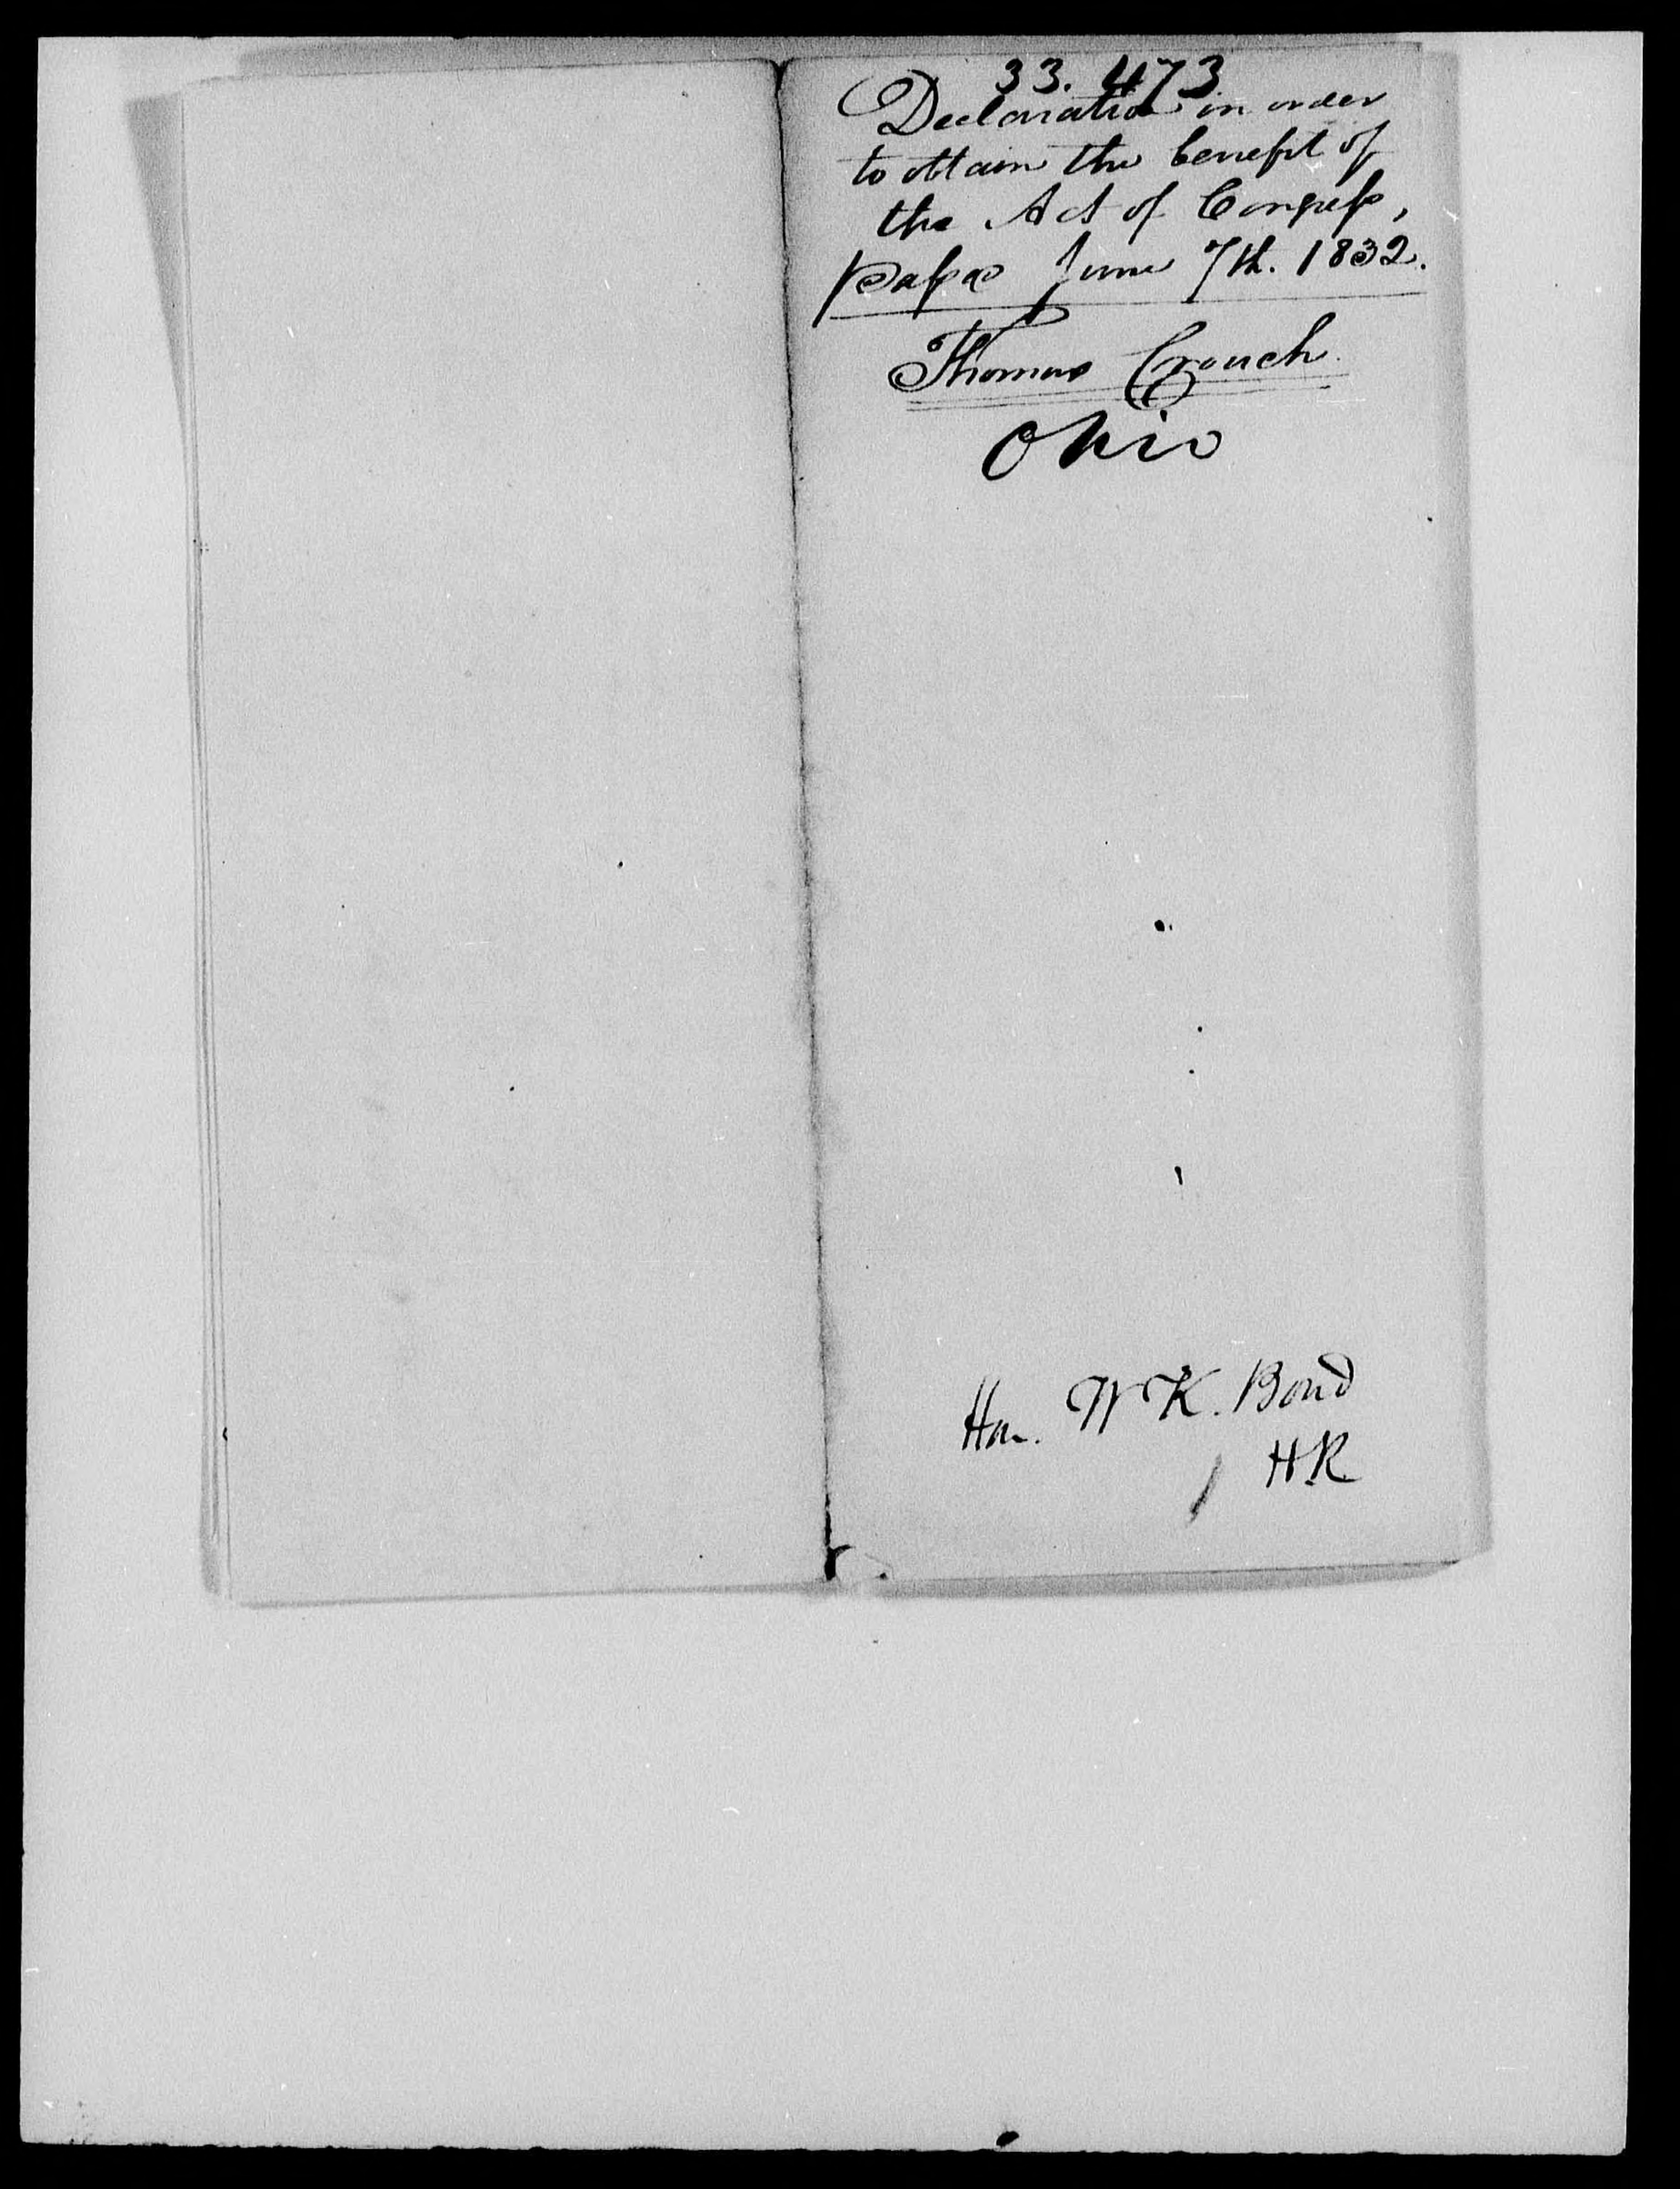33.473
Declaration in order
to obtain the benefit of
the Act of Congress
Passed June 7th 1832

Thomas Couch

Ohio

Hon
W K. Bond
H R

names: W K Bond, Thomas Crouch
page: 6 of 8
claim: rejected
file: R. 2,533, Thomas Crouch, Md.